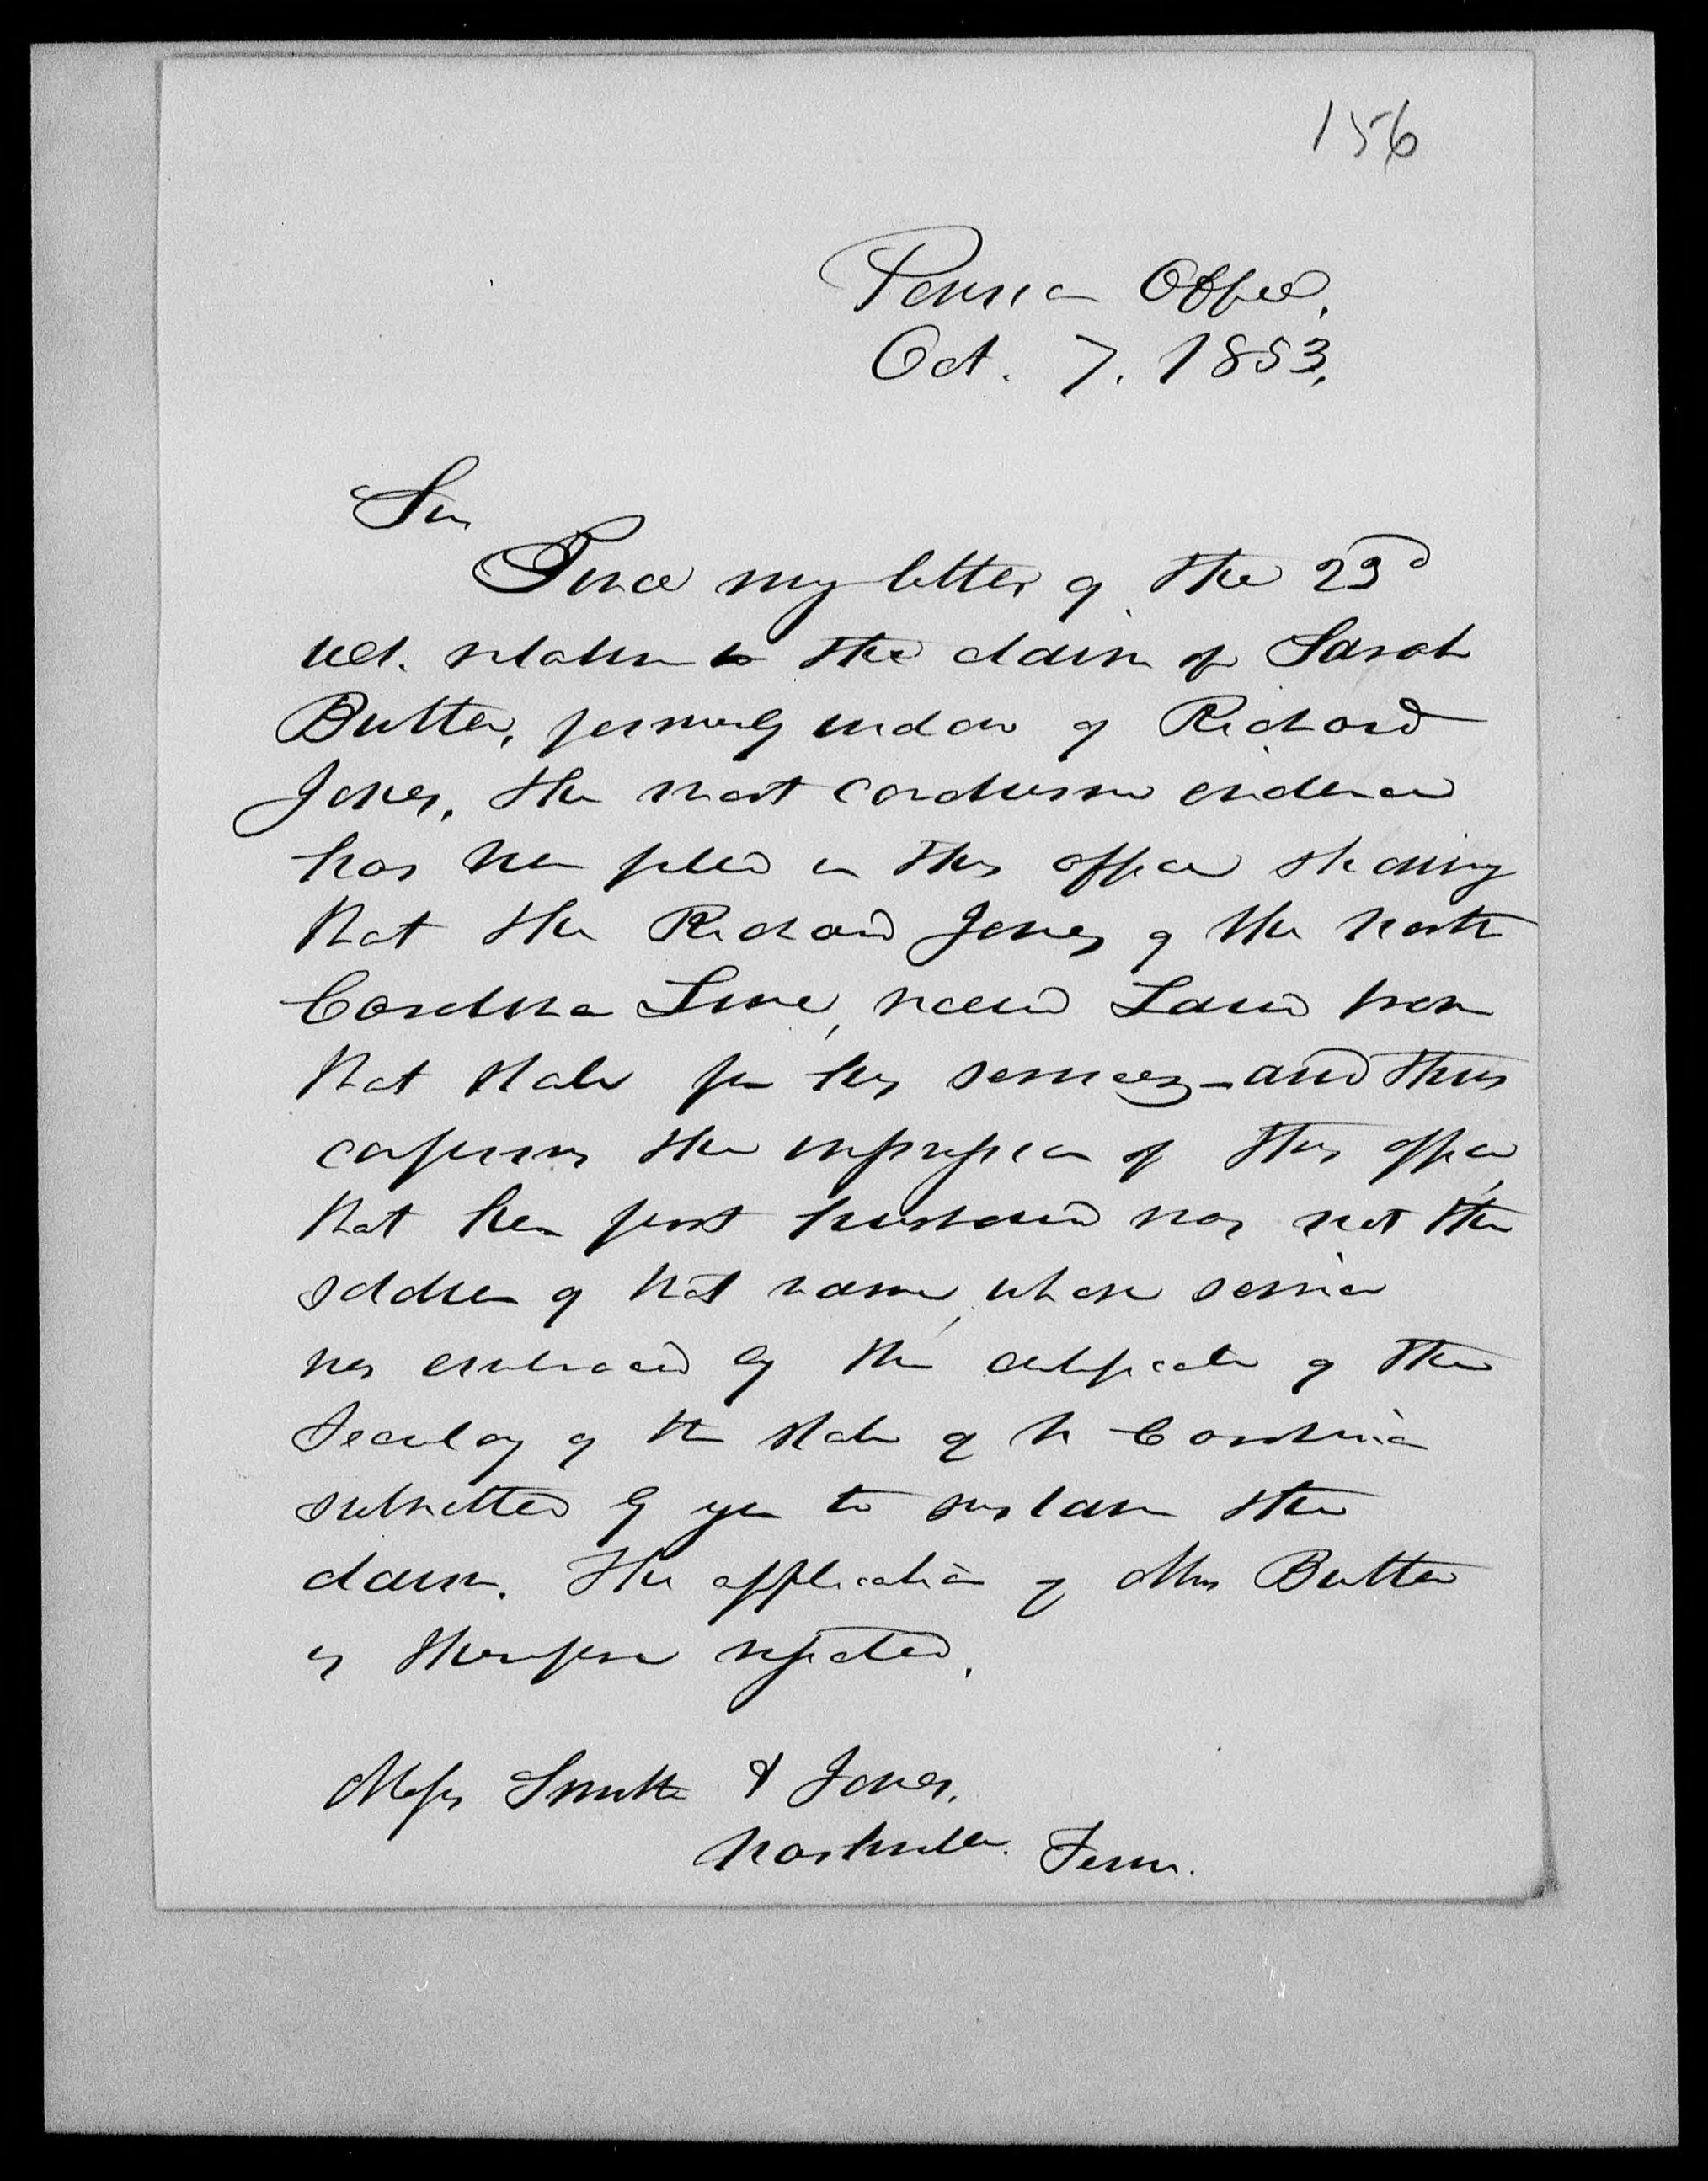156

Pension Office,
Oct. 7. 1853

Sir

Since my letter of the 23d
ult. relative to the claim of Sarah
Butler, formerly widow of Richard
Jones, the most conclusive evidence 
has [now?] filed in this office showing
that the Richard Jones of the North
Carolina Line, received Land from 
that state for his services - and this
confirms the [impression?] of this office
that her first husband was not the 
soldier of that name, whose services
was entered by the certificate of the 
Secretary of the State of N Carolina
submitted by you to sustain the 
claim.  The application of Mrs Butler
is therefore rejected.



Messrs Smith & Jones
Nashville, Tenn.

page: 26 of 33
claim: rejected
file: R. 1554, for Richard Jones, North Carolina